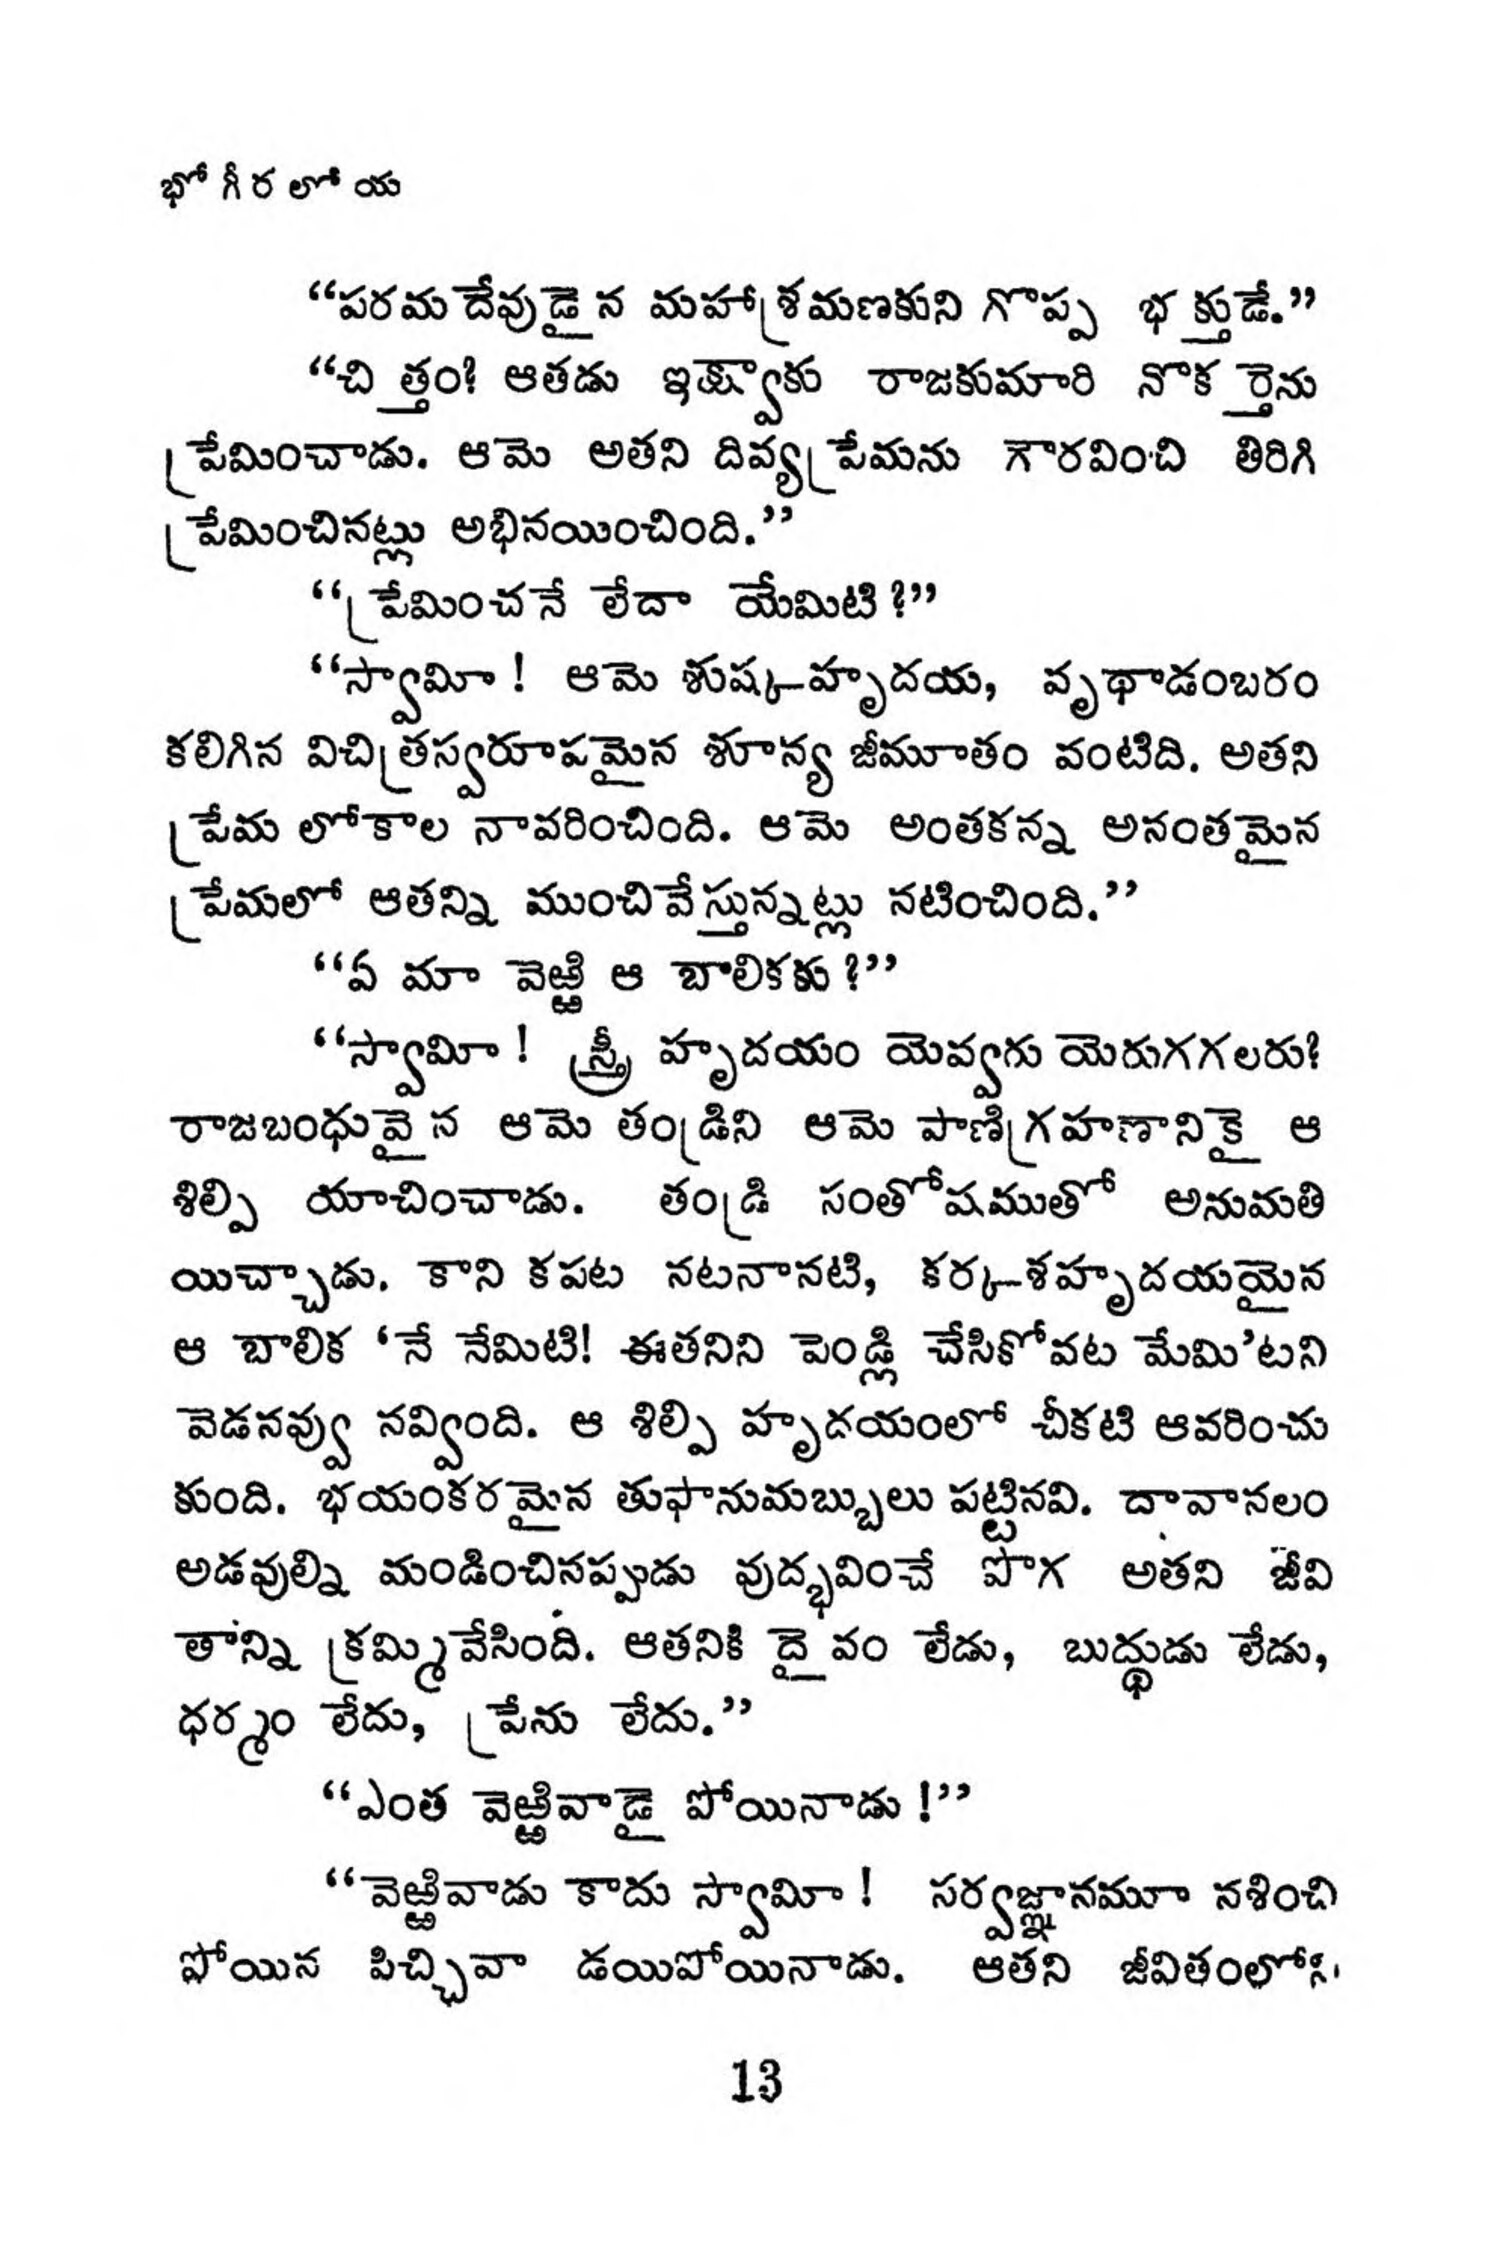“పరమదేవుడైన మహాశ్రమణకుని గొప్ప భక్తుడే.”

“చిత్తం? ఆతడు ఇక్ష్వాకు రాజకుమారి నొకర్తెను ప్రేమించాడు. ఆమె అతని దివ్యప్రేమను గౌరవించి తిరిగి ప్రేమించినట్లు అభినయించింది.”

“ప్రేమించనే లేదా యేమిటి?”

“స్వామీ! ఆమె శుష్కహృదయ, వృథాడంబరం కలిగిన విచిత్రస్వరూపమైన శూన్య జీమూతం వంటిది. అతని ప్రేమ లోకాల నావరించింది. ఆమె అంతకన్న అనంతమైన ప్రేమలో ఆతన్ని ముంచివేస్తున్నట్లు నటించింది.”

“ఏ మా వెఱ్ఱి ఆ బాలికకు?”

“స్వామీ! స్త్రీ హృదయం యెవ్వరు యెరుగగలరు? రాజబంధువైన ఆమె తండ్రిని ఆమె పాణిగ్రహణానికై ఆ శిల్పి యాచించాడు. తండ్రి సంతోషముతో అనుమతి యిచ్చాడు. కాని కపట నటనానటి, కర్కశహృదయమైన ఆ బాలిక ‘నే నేమిటి! ఈతనిని పెండ్లి చేసికోవట మేమి’టని వెడనవ్వు నవ్వింది. ఆ శిల్పి హృదయంలో చీకటి ఆవరించుకుంది. భయంకరమైన తుఫానుమబ్బులు పట్టినవి. దావానలం అడవుల్ని మండించినప్పుడు వుద్భవించే పొగ అతని జీవితాన్ని క్రమ్మివేసింది. ఆతనికి దైవం లేడు, బుద్ధుడు లేడు, ధర్మం లేదు, ప్రేమ లేదు.”

“ఎంత వెఱ్ఱివాడై పోయినాడు!”

“వెఱ్ఱివాడు కాదు స్వామీ! సర్వజ్ఞానమూ నశించి పోయిన పిచ్చివా డయిపోయినాడు. ఆతని జీవితంలోని